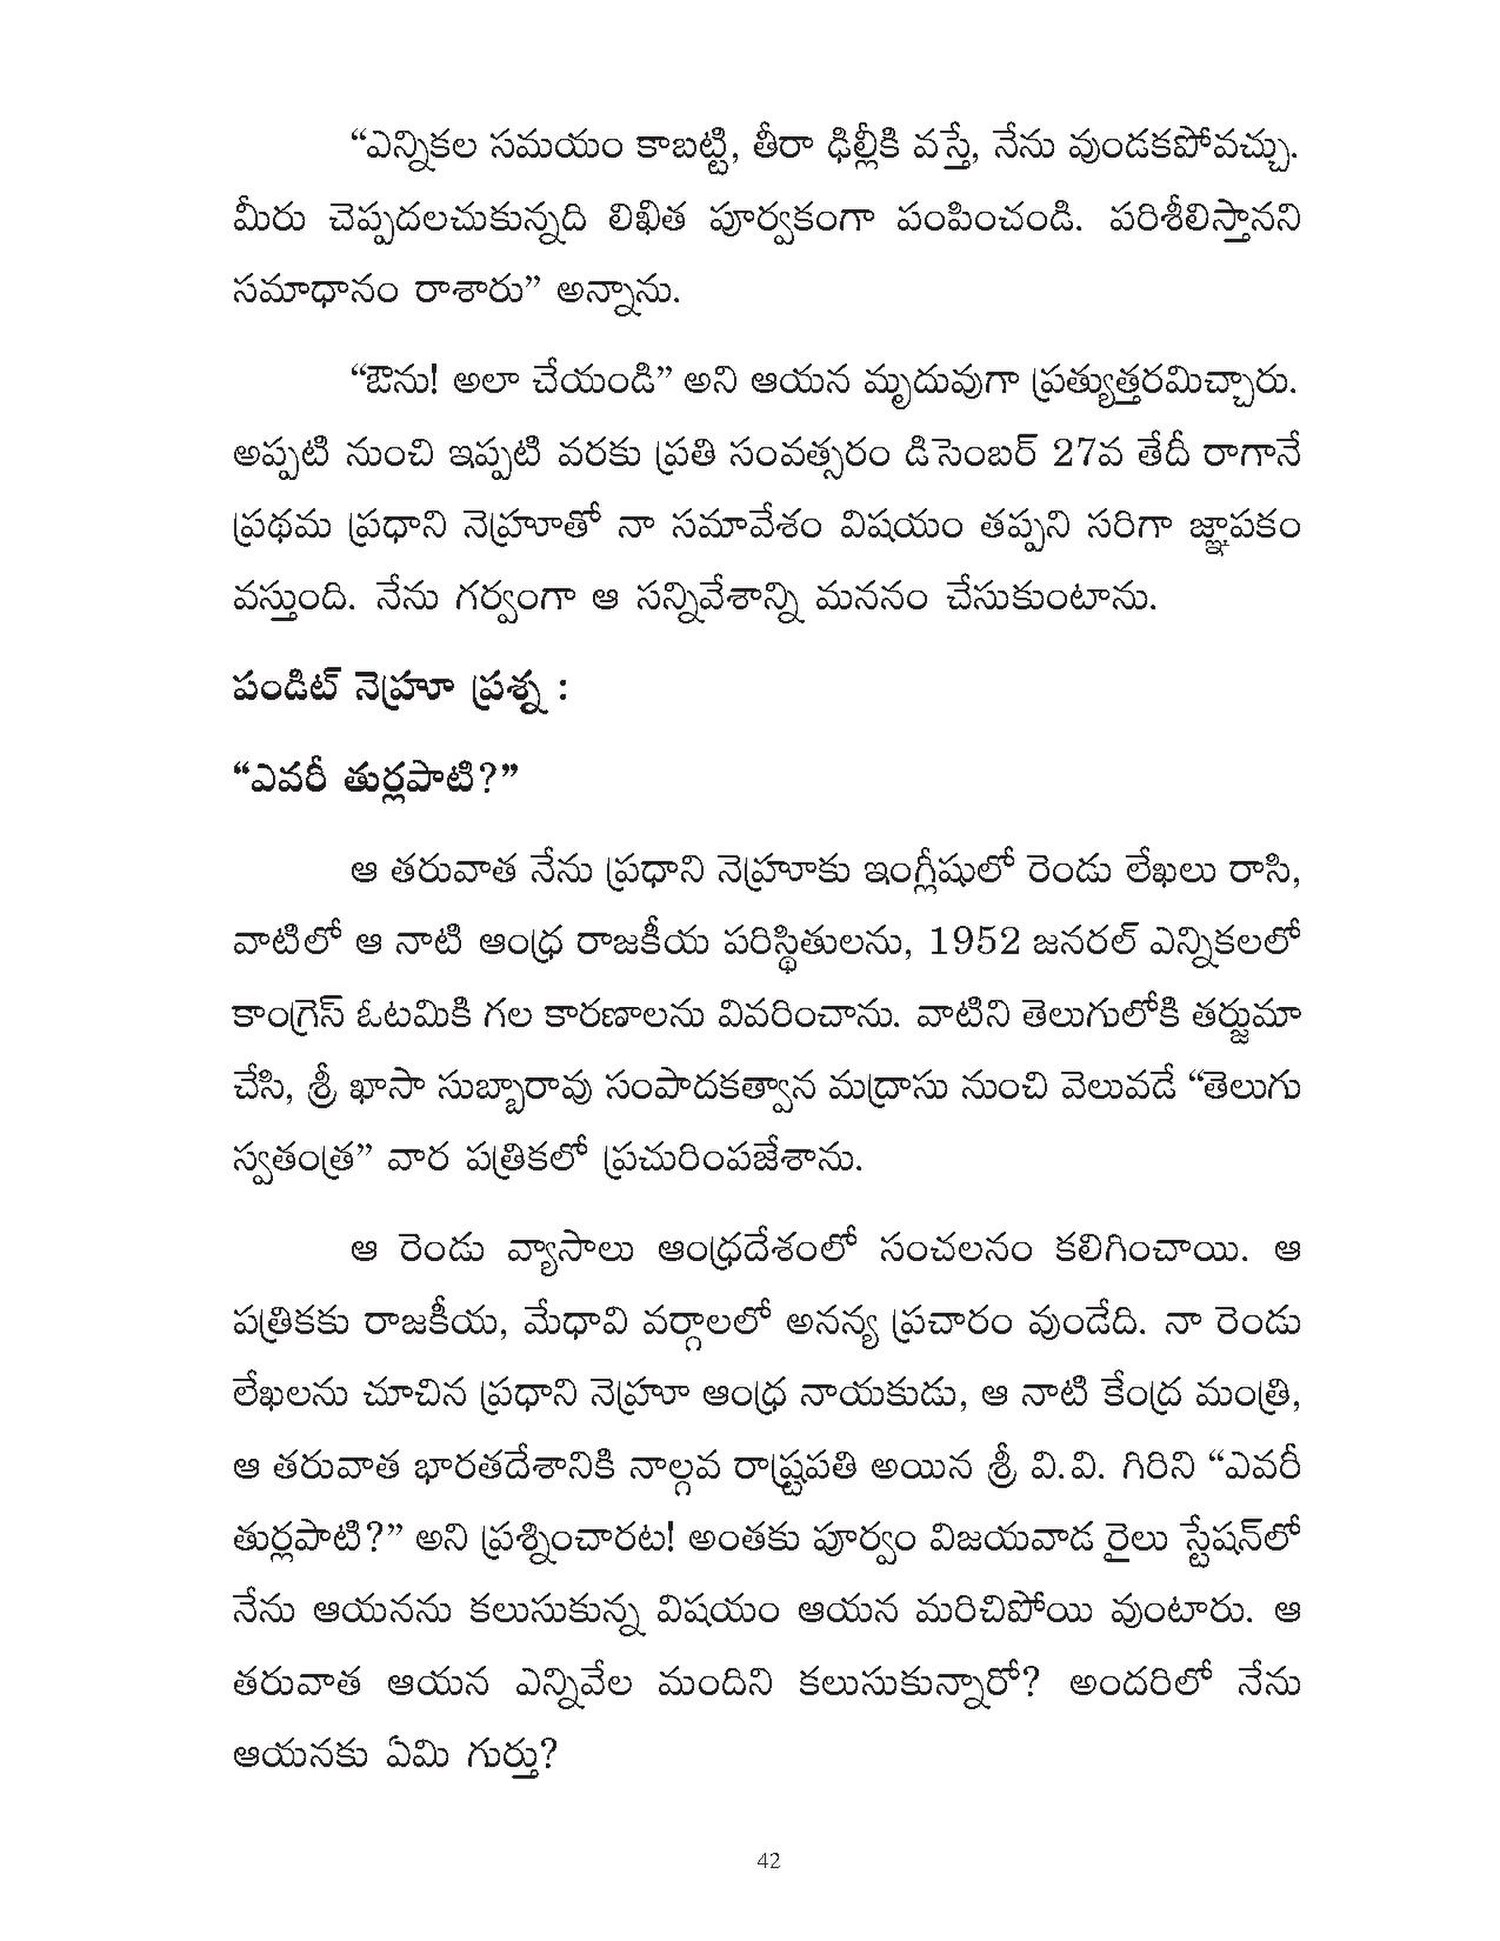"ఎన్నికల సమయం కాబట్టి, తీరా ఢిల్లీకి వస్తే, నేను వుండకపోవచ్చు.
మీరు చెప్పదలచుకున్నది లిఖిత పూర్వకంగా పంపించండి. పరిశీలిస్తానని
సమాధానం రాశారు" అన్నాను.

"ఔను! అలా చేయండి" అని ఆయన మృదువుగా ప్రత్యుత్తరమిచ్చారు.
అప్పటి నుంచి ఇప్పటి వరకు ప్రతి సంవత్సరం డిసెంబర్‌ 27వ తేదీ రాగానే
ప్రథమ ప్రధాని నెహ్రూతో నా సమావేశం విషయం తప్పని సరిగా జ్ఞాపకం
వస్తుంది. నేను గర్వంగా ఆ సన్నివేశాన్ని మననం చేసుకుంటాను.

పండిట్‌ నెహ్రూ ప్రశ్న :
"ఎవరీ తుర్లపాటి?"
ఆ తరువాత నేను ప్రధాని నెహ్రూకు ఇంగ్లీషులో రెండు లేఖలు రాసి,
వాటిలో ఆ నాటి ఆంధ్ర రాజకీయ పరిస్థితులను, 1952 జనరల్‌ ఎన్నికలలో
కాంగ్రెస్‌ ఓటమికి గల కారణాలను వివరించాను. వాటిని తెలుగులోకి తర్జుమా
చేసి, శ్రీ ఖాసా సుబ్బారావు సంపాదకత్వాన మద్రాసు నుంచి వెలువడే "తెలుగు
స్వతంత్ర" వార పత్రికలో ప్రచురింపజేశాను.

ఆ రెండు వ్యాసాలు ఆంధ్రదేశంలో సంచలనం కలిగించాయి. ఆ
పత్రికకు రాజకీయ, మేధావి వర్గాలలో అనన్య ప్రచారం వుండేది. నా రెండు
లేఖలను చూచిన ప్రధాని నెహ్రూ ఆంధ్ర నాయకుడు, ఆ నాటి కేంద్ర మంత్రి,
ఆ తరువాత భారతదేశానికి నాల్గవ రాష్ట్రపతి అయిన శ్రీ వి.వి. గిరిని "ఎవరీ
తుర్లపాటి?" అని ప్రశ్నించారట! అంతకు పూర్వం విజయవాడ రైలు స్టేషన్‌లో
నేను ఆయనను కలుసుకున్న విషయం ఆయన మరిచిపోయి వుంటారు. ఆ
తరువాత ఆయన ఎన్నివేల మందిని కలుసుకున్నారో? అందరిలో నేను
ఆయనకు ఏమి గుర్తు?